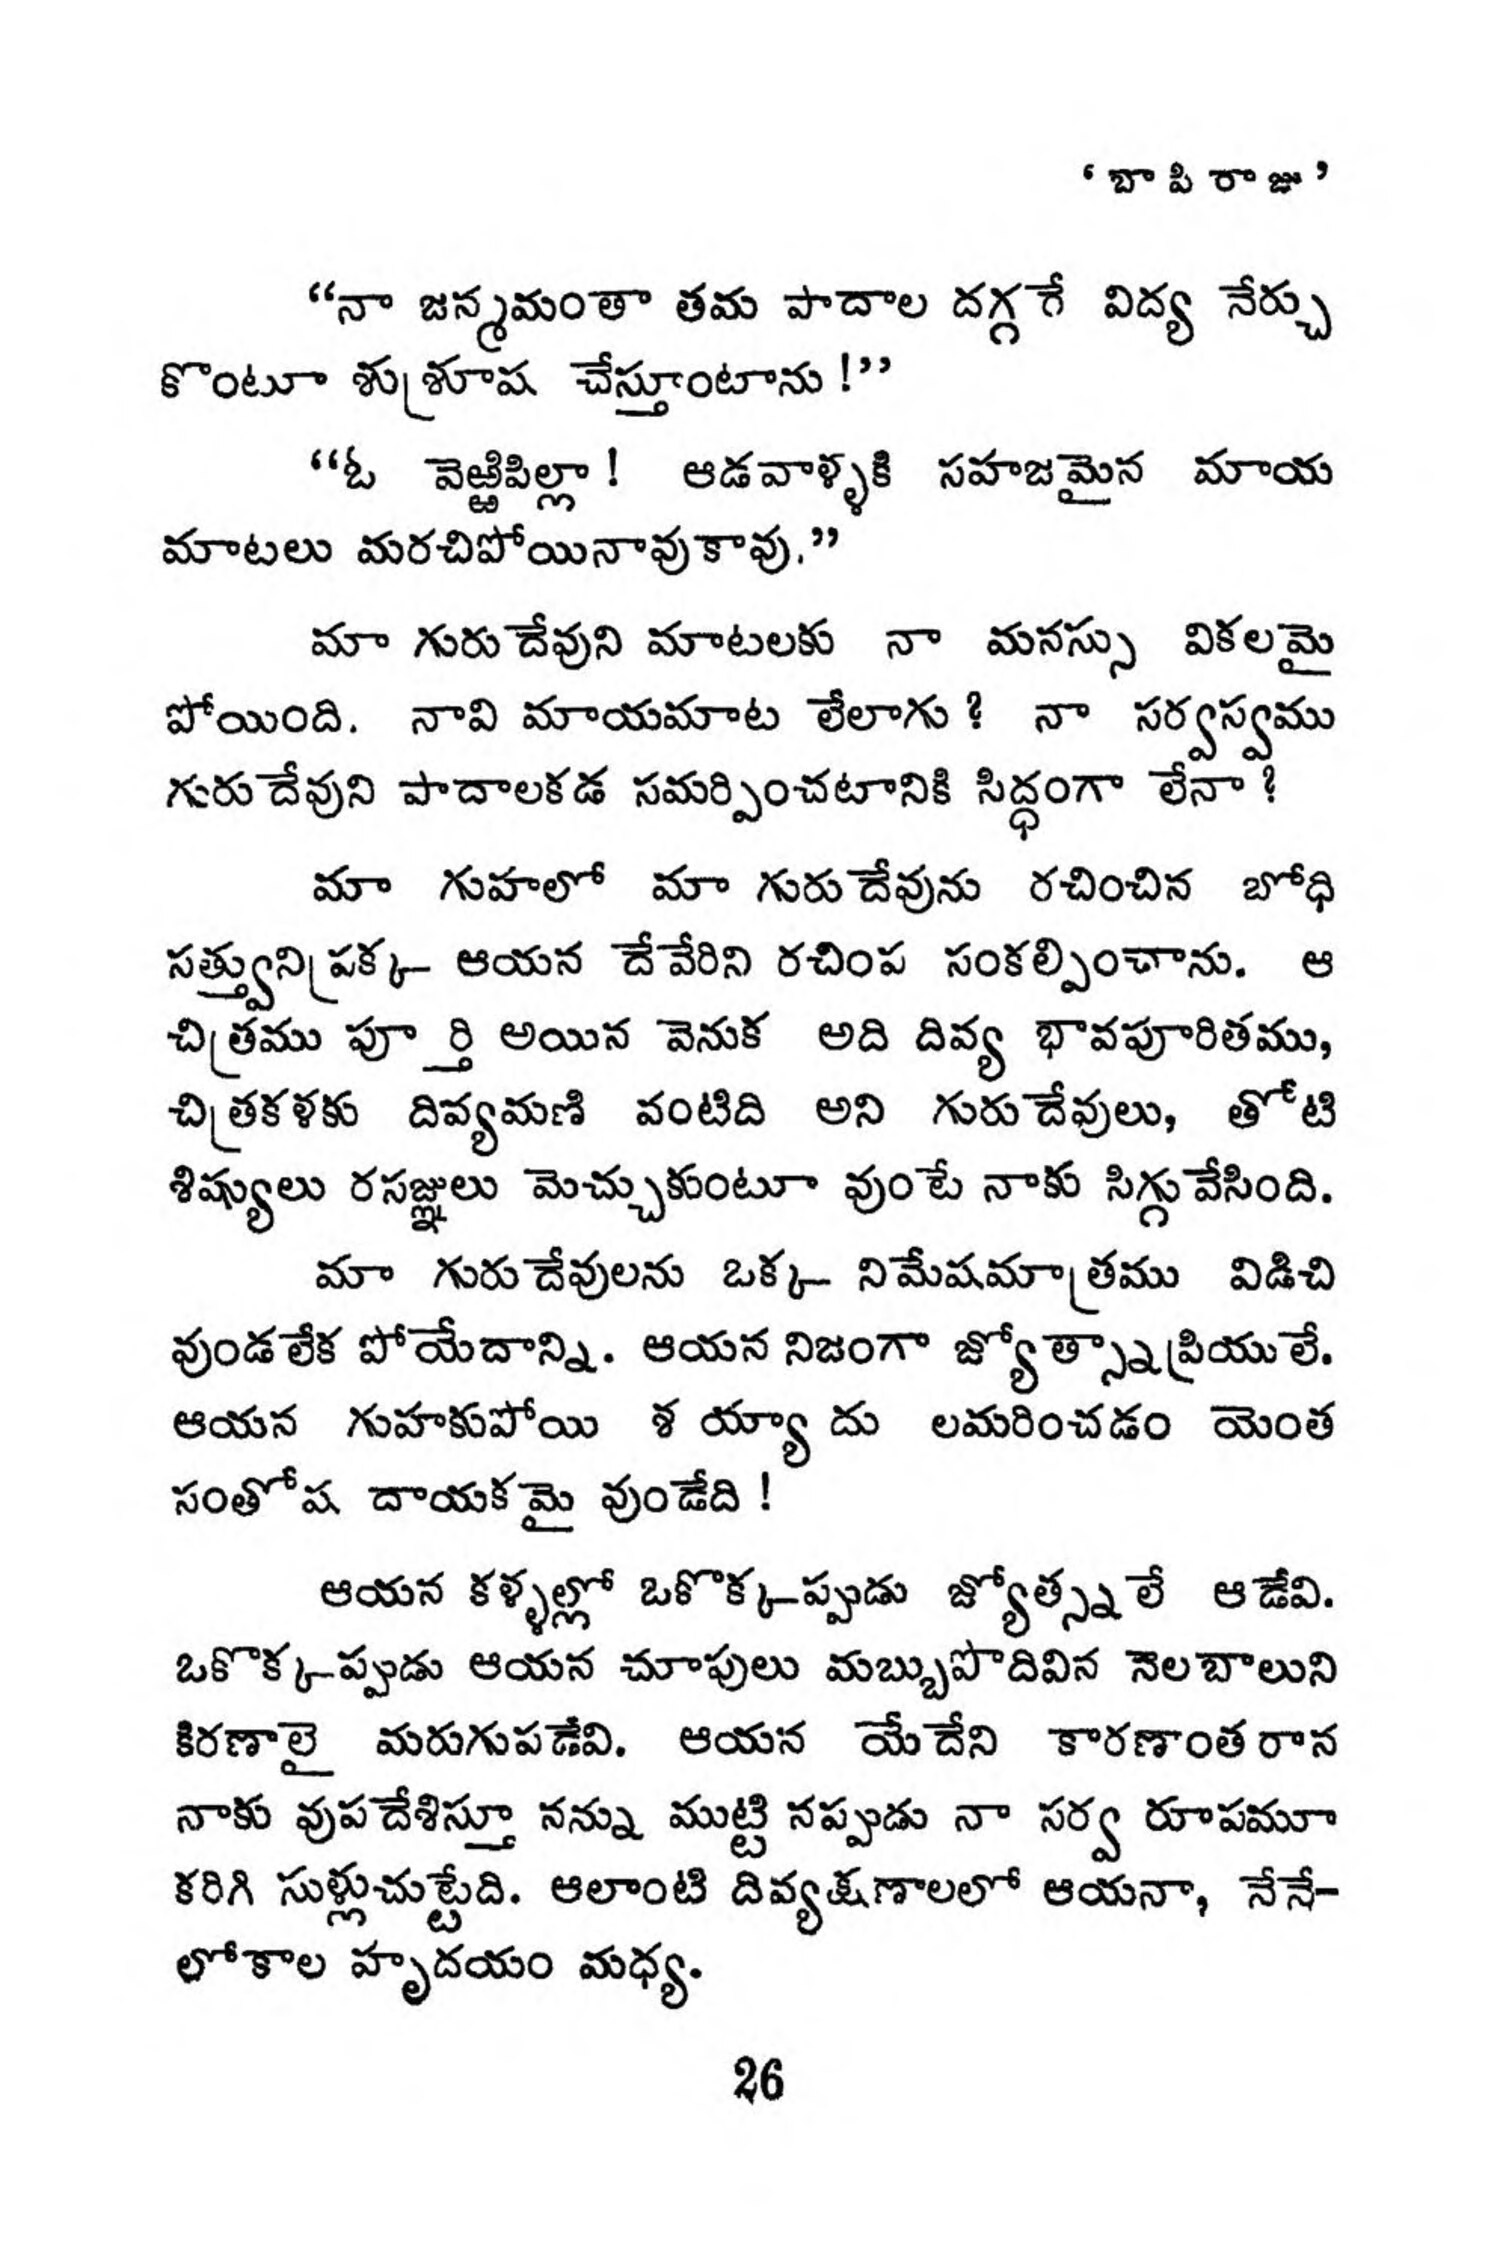“నా జన్మమంతా తమ పాదాల దగ్గరే విద్య నేర్చుకొంటూ శుశ్రూష చేస్తూంటాను!”

“ఓ వెఱ్ఱిపిల్లా! ఆడవాళ్ళకి సహజమైన మాయ మాటలు మరచిపోయినావుకావు.”

మా గురుదేవుని మాటలకు నా మనస్సు వికలమై పోయింది. నావి మాయమాట లేలాగు? నా సర్వస్వము గురుదేవుని పాదాలకడ సమర్పించటానికి సిద్ధంగా లేనా?

మా గుహలో మా గురుదేవును రచించిన బోధిసత్త్వునిప్రక్క ఆయన దేవేరిని రచింప సంకల్పించాను. ఆ చిత్రము పూర్తి అయిన వెనుక అది దివ్య భావపూరితము, చిత్రకళకు దివ్యమణి వంటిది అని గురుదేవులు, తోటి శిష్యులు రసజ్ఞులు మెచ్చుకుంటూ వుంటే నాకు సిగ్గువేసింది.

మా గురుదేవులను ఒక్క నిమేషమాత్రము విడిచి వుండలేక పోయేదాన్ని. ఆయన నిజంగా జ్యోత్స్నాప్రియులే. ఆయన గుహకుపోయి శయ్యాదు లమరించడం యెంత సంతోష దాయకమై వుండేది!

ఆయన కళ్ళల్లో ఒక్కొక్కప్పుడు జ్యోత్స్నలే ఆడేవి. ఒక్కొక్కప్పుడు ఆయన చూపులు మబ్బుపొదివిన నెలబాలుని కిరణాలై మరుగుపడేవి. ఆయన యేదేని కారణాంతరాన నాకు వుపదేశిస్తూ నన్ను ముట్టి నప్పుడు నా సర్వ రూపమూ కరిగి సుళ్లుచుట్టేది. ఆలాంటి దివ్యక్షణాలలో ఆయనా, నేనే - లోకాల హృదయం మధ్య.